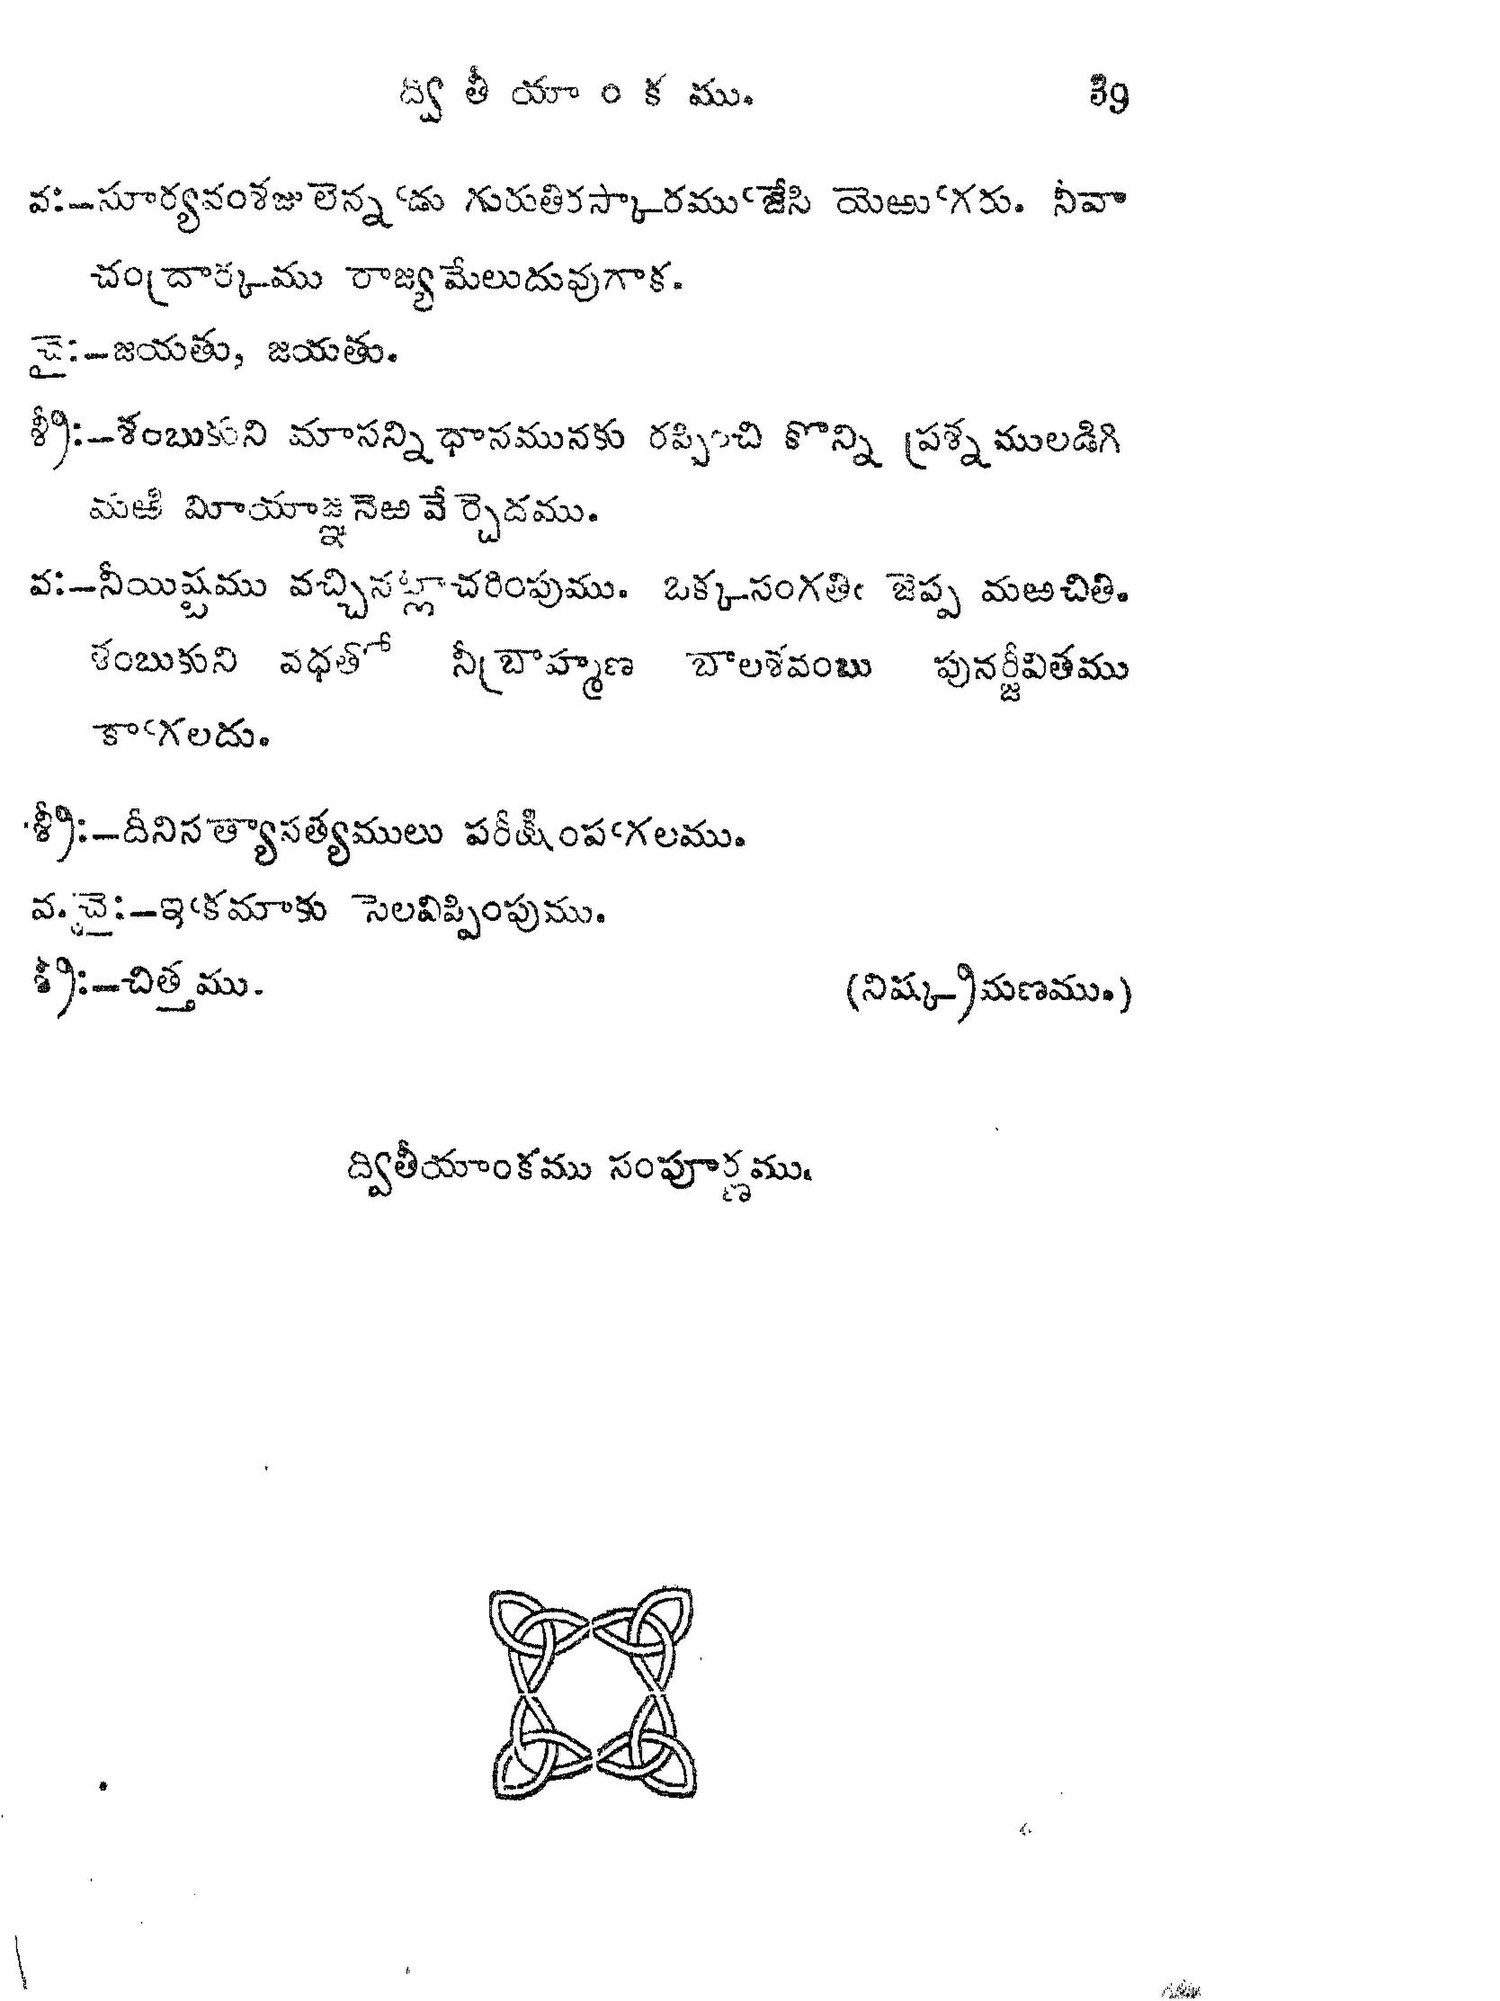వ: సూర్యనంశ రాజు లెన్నడు గురుతిరస్కారముఁ జేసి యెఱుగకు. నీవా
 చంద్రార్కము రాజ్య మేలుదువుగాక.

చై:- జయతు, జయతు.

శ్రీ: శంబుకుని మాసన్ని ధానమునకు రప్పించి కొన్ని ప్రశ్న ములడిగి
 మఱి మాయాజ్ఞ నిఱవేర్చెదము.

వ:- నీ యిష్టము వచ్చినట్లాచరింపుము. ఒక్క సంగతిఁ జెప్ప మఱచితి.
 శంబుకుని వధతో నీ బ్రాహ్మణ బాలశవంబు పునర్జీవితము
 కాగలదు.

'శ్రీ:- దీనిసత్యాసత్యములు పరీక్షింపగలము.

వ. చై:-ఇకమాకు సెలవిప్పింపుము.

శ్రీ:- చిత్తము.
(నిష్క్రమణము.)